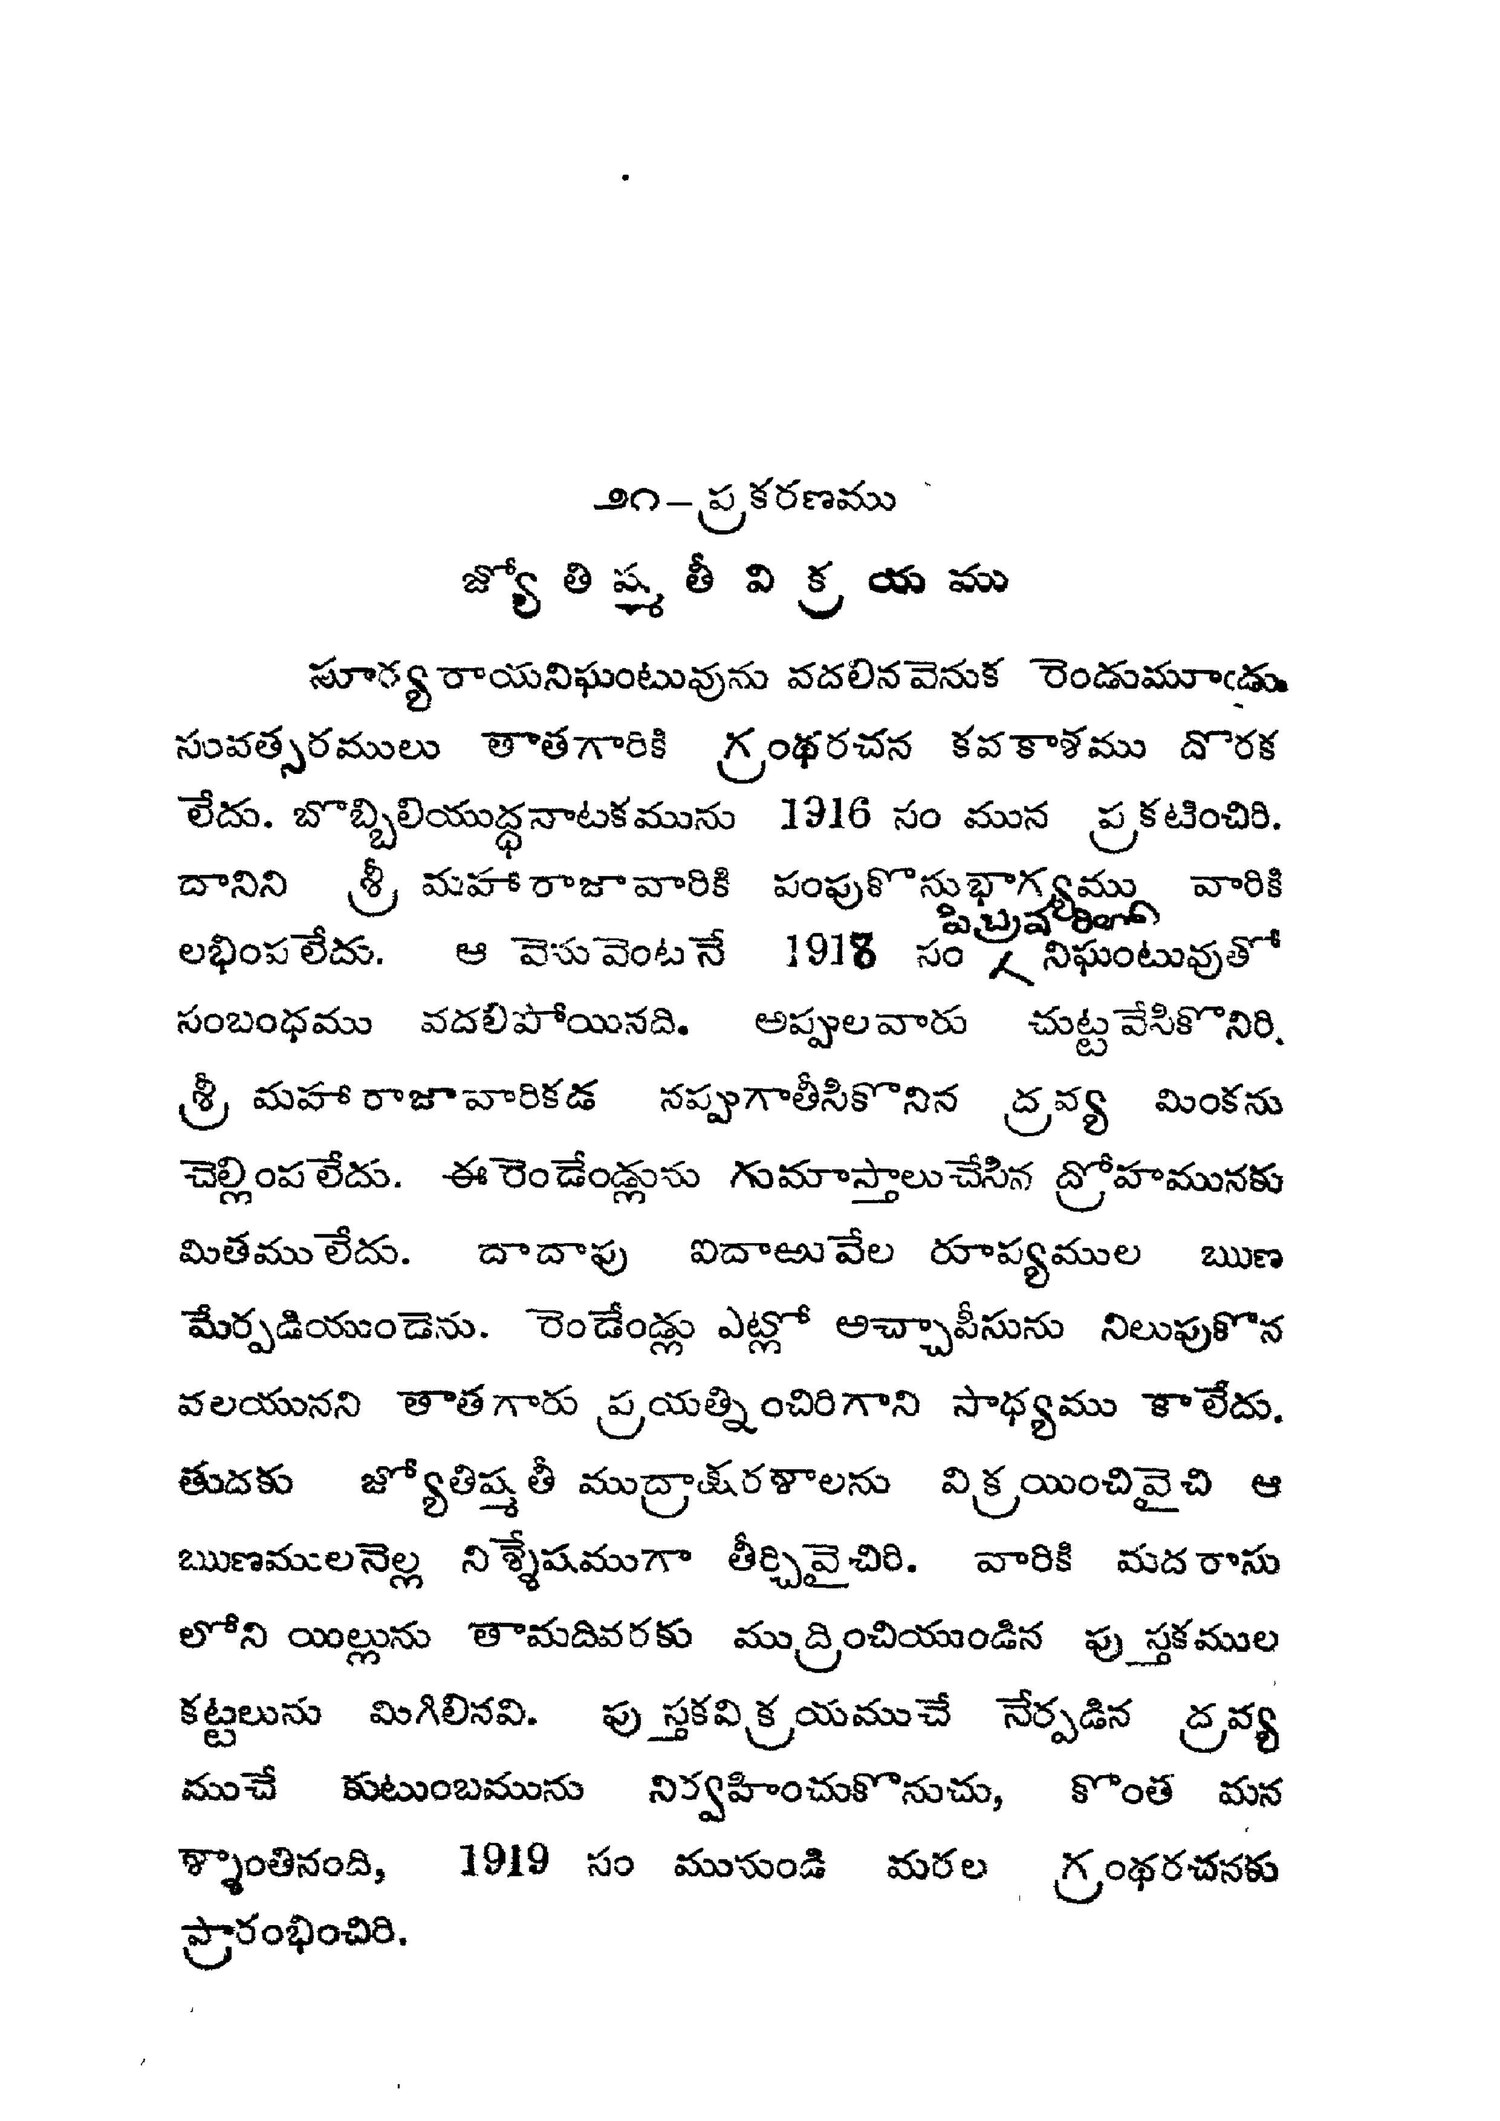సూర్యరాయనిఘంటువును వదలినవెనుక రెండుమూడు సంవత్సరములు తాతగారికి గ్రంథరచన కవకాశము దొరకలేదు. బొబ్బిలియుద్ధ నాటకమును 1916 సం. మున ప్రకటించిరి. దానిని శ్రీ మహారాజావారికి పంపుకొనుభాగ్యము వారికి లభింపలేదు. ఆ వెనువెంటనే 1918 సం. పిబ్రవరిలో నిఘంటువుతో సంబంధము వదలిపోయినది. అప్పులవారు చుట్టవేసికొనిరి. శ్రీ మహారాజావారికడ నప్పుగాతీసికొనిన ద్రవ్య మింకను చెల్లింపలేదు. ఈరెండేండ్లును గుమాస్తాలు చేసిన ద్రోహమునకు మితములేదు. దాదాపు ఐదాఱువేల రూప్యముల ఋణ మేర్పడియుండెను. రెండేండ్లు ఎట్లో అచ్చాపీసును నిలుపుకొన వలయునని తాతగారు ప్రయత్నించిరిగాని సాధ్యము కాలేదు. తుదకు జ్యోతిష్మతీ ముద్రాక్షరశాలను విక్రయించివైచి, ఆ ఋణములనెల్ల నిశ్శేషముగా తీర్చివైచిరి. వారికి మదరాసులోని యిల్లును తామదివరకు ముద్రించియుండిన పుస్తకముల కట్టలును మిగిలినవి. పుస్తకవిక్రయముచే నేర్పడిన ద్రవ్యముచే కుటుంబమును నిర్వహించుకొనుచు, కొంత మనశ్శాంతినంది, 1919 సం మునుండి మరల గ్రంథరచనకు ప్రారంభించిరి.